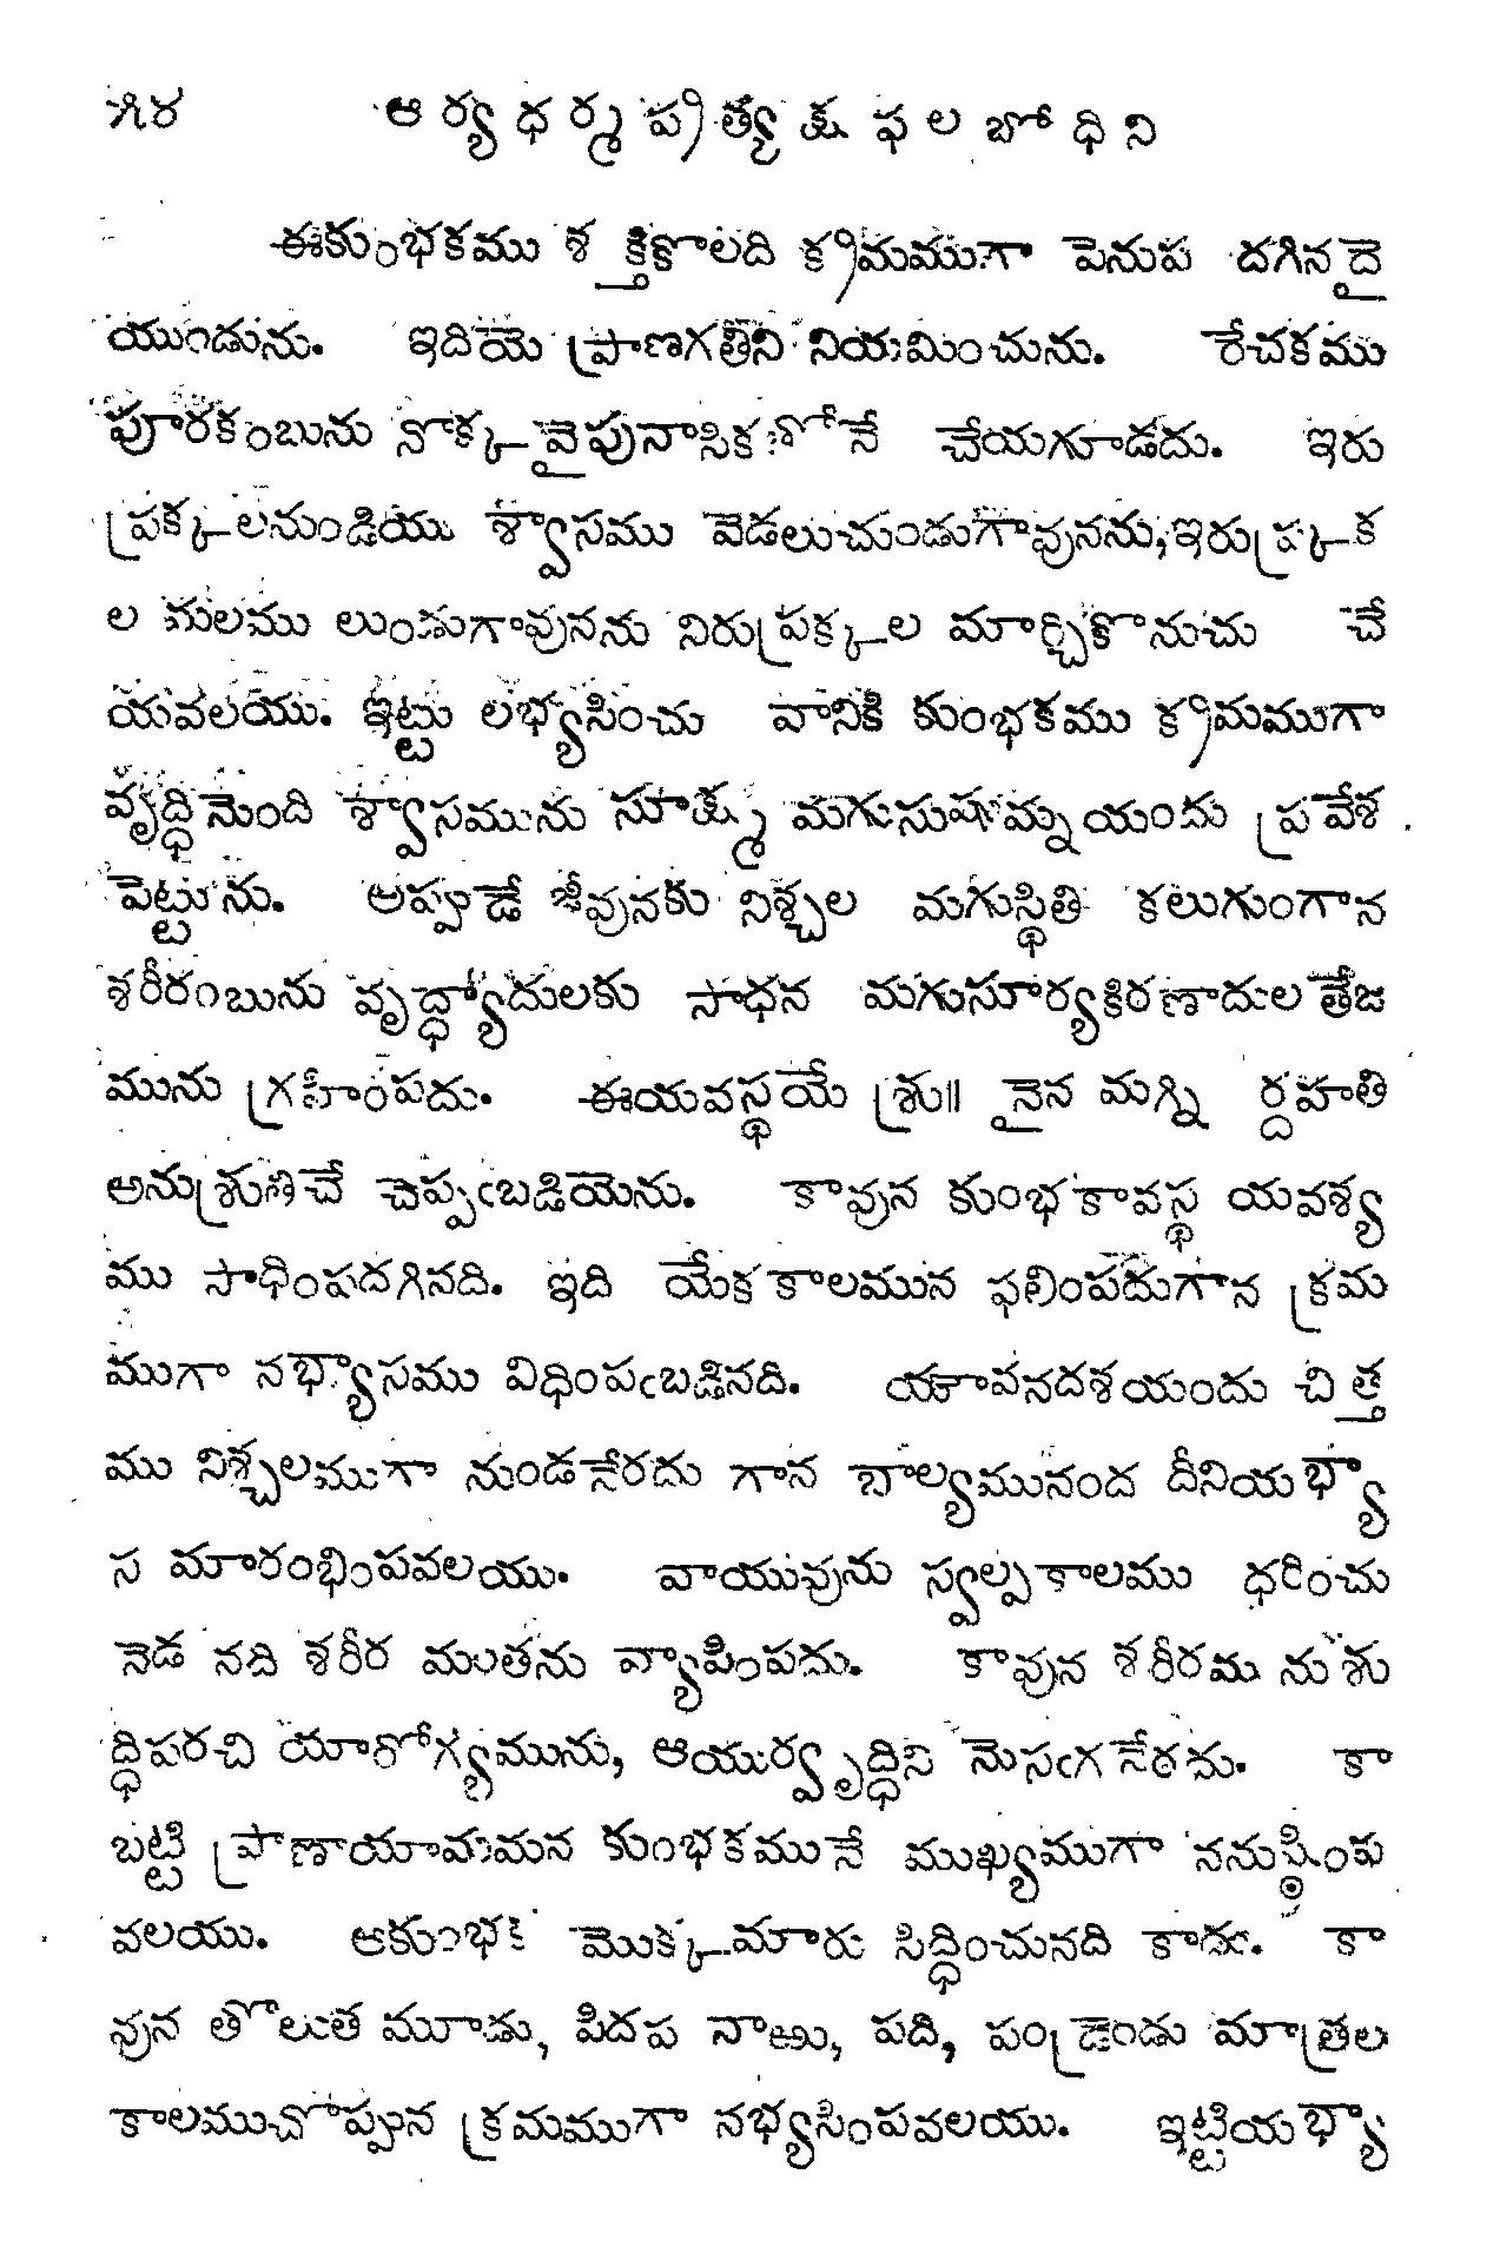ఈకుంభకము శక్తికొలది క్రమముగా పెనుప దగినదై యుండును. ఇదియె ప్రాణగతిని నియమించును. రేచకము
పూరకంబును నొక్కవైపునాసికతోనే చేయగూడదు. ఇరుప్రక్కలనుండియు శ్వాసము వెడలుచుండుగావునను, ఇరుప్రక్కల మలము లుండుగావునను నిరుప్రక్కల మార్చికొనుచు చేయవలయు. ఇట్టు లభ్యసించు వానికి కుంభకము క్రమముగా వృద్ధినొంది శ్వాసమును సూక్ష్మమగుసుషుమ్నయందు ప్రవేశపెట్టును. అప్పుడే జీవునకు నిశ్చల మగుస్థితి కలుగుంగాన శరీరంబును వృద్ధ్యాదులకు సాధన మగుసూర్యకిరణాదులతేజమును గ్రహింపదు. ఈయవస్థయే శ్రు॥ నైన మగ్ని ర్దహతి అనుశ్రుతిచే చెప్పఁబడియెను. కావున కుంభకావస్థ యవశ్యము సాధింపదగినది. ఇది యేకకాలమున ఫలింపదుగాన క్రమముగా నభ్యాసము విధింపఁబడినది. యౌవనదశయందు చిత్తము నిశ్చలముగా నుండనేరదు గాన బాల్యమునంద దీనియభ్యాస మారంభింపవలయు. వాయువును స్వల్పకాలము ధరించు నెడ నది శరీర మంతను వ్యాపింపదు. కావున శరీరమునుశుద్ధిపరచి యారోగ్యమును, ఆయుర్వృద్ధిని నొసఁగనేరదు. కాబట్టి ప్రాణాయామమన కుంభకమునే ముఖ్యముగా ననుష్ఠింప వలయు.
ఆకుంభక మొక్కమారు సిద్ధించునది కాదు. కావున తొలుత మూడు, పిదప నాఱు, పది, పండ్రెండు మాత్రల
కాలముచొప్పున క్రమముగా నభ్యసింపవలయు. ఇట్టియభ్యా